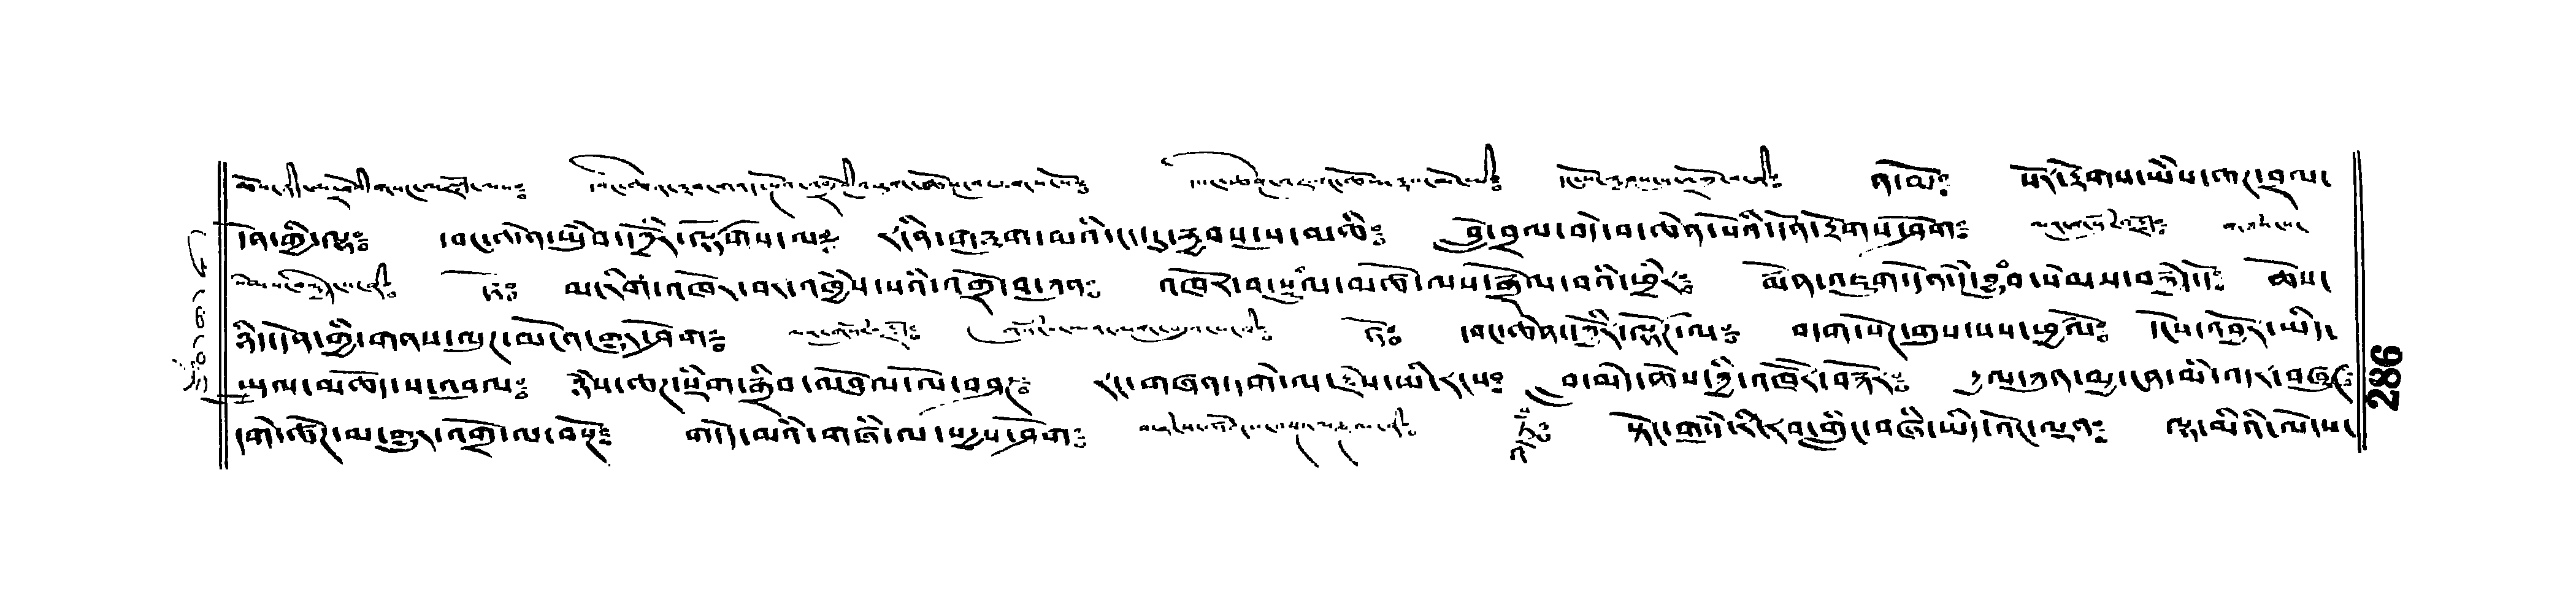ཆོས་ཉིད་མཁའ་འགྲོའི་གསང་མཛོད་ལས༔ དབང་ཆེན་ཟབ་གནད་སྔོན་འགྲོའི་འཇུག་ཆོས་བཞུགས་སོ༔ དབང་ཆེན་འཇུག་ཆོས་ཟབ་མོ་ཡི༔ དང་པོ་སྐྱབས་སུ་འགྲོ་བ་ནི༔ ན་མོ༔ སོར་རྟོགས་ཡེ་ཤེས་ཆགས་བྲལ་
དོན་གྱི་ལྷ༔ དབང་ཆེན་ཡབ་ཡུམ་དཀྱིལ་འཁོར་ལྷ་ཚོགས་ལ༔ རང་བཞིན་གཉུག་མའི་ངང་དུ་སྐྱབས་སུ་མཆི༔ བློ་བྲལ་བདེ་བ་ཆེན་པོའི་དོན་རྟོགས་ཤོག༔ ལན་གསུམ་བརྗོད༔ གཉིས་པ་
སེམས་བསྐྱེད་པ་ནི༔ ཧོཿ མ་རིག་འཁོར་བར་འཁྱམས་པའི་འགྲོ་བ་ཀུནཿ འཁོར་བ་སྡུག་བསྔལ་མཚོ་ལས་སྒྲོལ་བའི་ཕྱིར༔ སྨོན་འཇུག་དོན་དམ་བྱང་ཆུབ་སེམས་བསྐྱེད་དོ༔ ཆོས་
ཉིད་དོན་གྱི་གནས་ལུགས་མངོན་གྱུར་ཤོག༔ ལན་གསུམ་བརྗོད༔ གསུམ་པ་ལན་ལག་བདུན་པ་ནི༔ ཧོཿ དབང་ཆེན་དཀྱིལ་འཁོར་ལྷ་ཚོགས་ལ༔ བདག་སོགས་གུས་པས་ཕྱག་འཚལ་ལོ༔ དངོས་འབྱོར་ཡིད་
སྤྲུལ་མཆོད་པ་འབུལ༔ ཉམས་ཆག་སྡིག་སྒྲིབ་མཐོལ་ལོ་བཤགས༔རང་གཞན་དགེ་ལ་རྗེས་ཡི་རངས༔ བླ་མེད་ཆོས་ཀྱི་འཁོར་ལོ་བསྐོར༔ རྒྱལ་ཀུན་མྱ་ངན་མི་འདར་བཞུགས༔ 
དགེ་ཚོགས་མ་གྱུར་འགྲོ་ལ་བསྔོ༔ གདོད་མའི་གཞི་ལ་སངས་རྒྱས་ཤོག༔ བཞི་པ་ཚོགས་བསགས་མཎྜལ་ནི༔ ཏྲཱྃ༔ སྟོང་གསུམ་རི་རབ་གླིང་བཞི་ཡིད་འོང་ལྡན༔ ལྷ་མིའི་ལོངས་